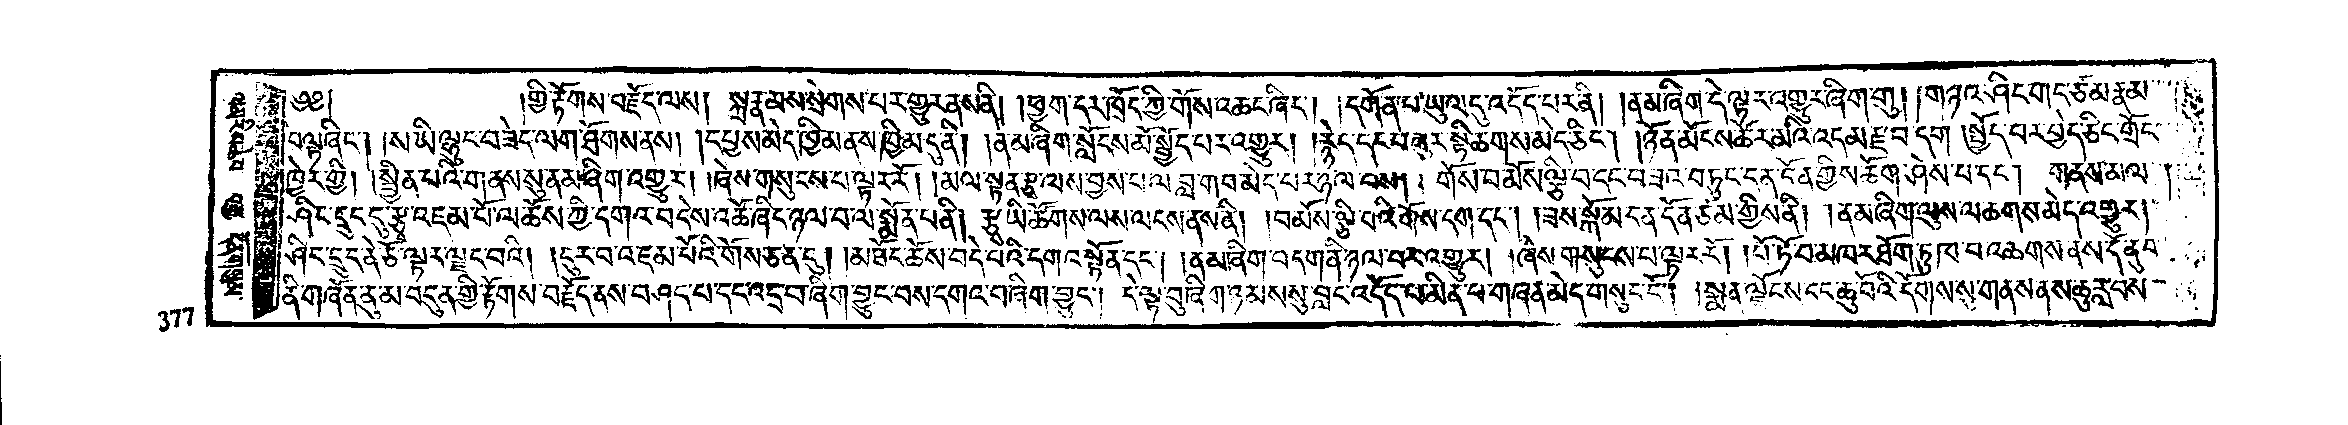༄༅། །གྱི་རྟོགས་བརྗོད་ལས། སྐྲ་རྣམས་བྲེགས་པར་གྱུར་ནས་ནི། །ཕྱག་དར་ཁྲོད་ཀྱི་གོས་འཆང་ཞིང་། །དགོན་པ་ཡུལ་དུ་འདོད་པར་ནི། །ནམ་ཞིག་དེ་ལྟར་འགྱུར་ཞིག་གུ། །གཉའ་ཤིང་གང་ཙམ་རྣམ་
བལྟ་ཞིང་། །ས་ཡི་ལྷུང་བཟེད་ལག་ཐོགས་ནས། །དཔྱས་མེད་ཁྱིམ་ནས་ཁྱིམ་དུ་ནི། །ནམ་ཞིག་སློངས་མོ་སྤྱོད་པར་འགྱུར། །རྙེད་དང་བཀུར་སྟི་ཆགས་མེད་ཅིང་། །ཉོན་མོངས་ཚེར་མའི་འདམ་རྫབ་དག །སྦྱོང་བར་བྱེད་ཅིང་གྲོང་
ཁྱེར་གྱི། །སྦྱིན་པའི་གནས་སུ་ནམ་ཞིག་འགྱུར། །ཞེས་གསུངས་པ་ལྟར་རོ། །མལ་སྟན་རྩྭ་ལས་བྱས་པ་ལ་བླ་གབ་མེད་པར་ཉལ་བས། གོས་བ་མོས་ལྕི་བ་དང་བཟའ་བཏུང་ངན་ངོན་གྱིས་ཆོག་ཤེས་པ་དང་། གནས་མལ་
ཤིང་དྲུང་དུ་རྩྭ་འཇམ་པོ་ལ་ཆོས་ཀྱི་དགའ་བ་དེས་འཚོ་ཞིང་ཉལ་བ་ལ་སྨོན་པ་ནི། རྩྭ་ཡི་ཚོགས་ལས་ལངས་ནས་ནི། །བ་མོས་ལྕི་བའི་གོས་དག་དང་། །ཟས་སྐོམ་ངན་ངོན་ཙམ་གྱིས་ནི། །ནམ་ཞིག་ལུས་ལ་ཆགས་མེད་འགྱུར། །
ཤིང་དྲུང་ནེ་ཅོ་ལྟར་ལྗང་བའི། །དུར་བ་འཇམ་པོའི་གོས་ཅན་དུ། །མཐོང་ཆོས་བདེ་བའི་དགའ་སྟོན་དང་། །ནམ་ཞིག་བདག་ནི་ཉལ་བར་འགྱུར། །ཞེས་གསུངས་པ་ལྟར་རོ། །པོ་ཏོ་བ་མཁར་ཐོག་ཏུ་ཁ་བ་འཆགས་ནས་དོ་ནུབ་
ནི་གཞོན་ནུ་མ་བདུན་གྱི་རྟོགས་བརྗོད་ནས་བཤད་པ་དང་འདྲ་བ་ཞིག་བྱུང་བས་དགའ་བ་ཞིག་བྱུང་། དེ་ལྟ་བུ་ཞིག་ཉམས་སུ་བླང་འདོད་པ་མིན་པ་གཞན་མེད་གསུང་ངོ། །སྨན་ལྗོངས་དང་ཆུ་བོའི་ངོགས་སུ་གནས་ནས་ཆུ་རླབས་